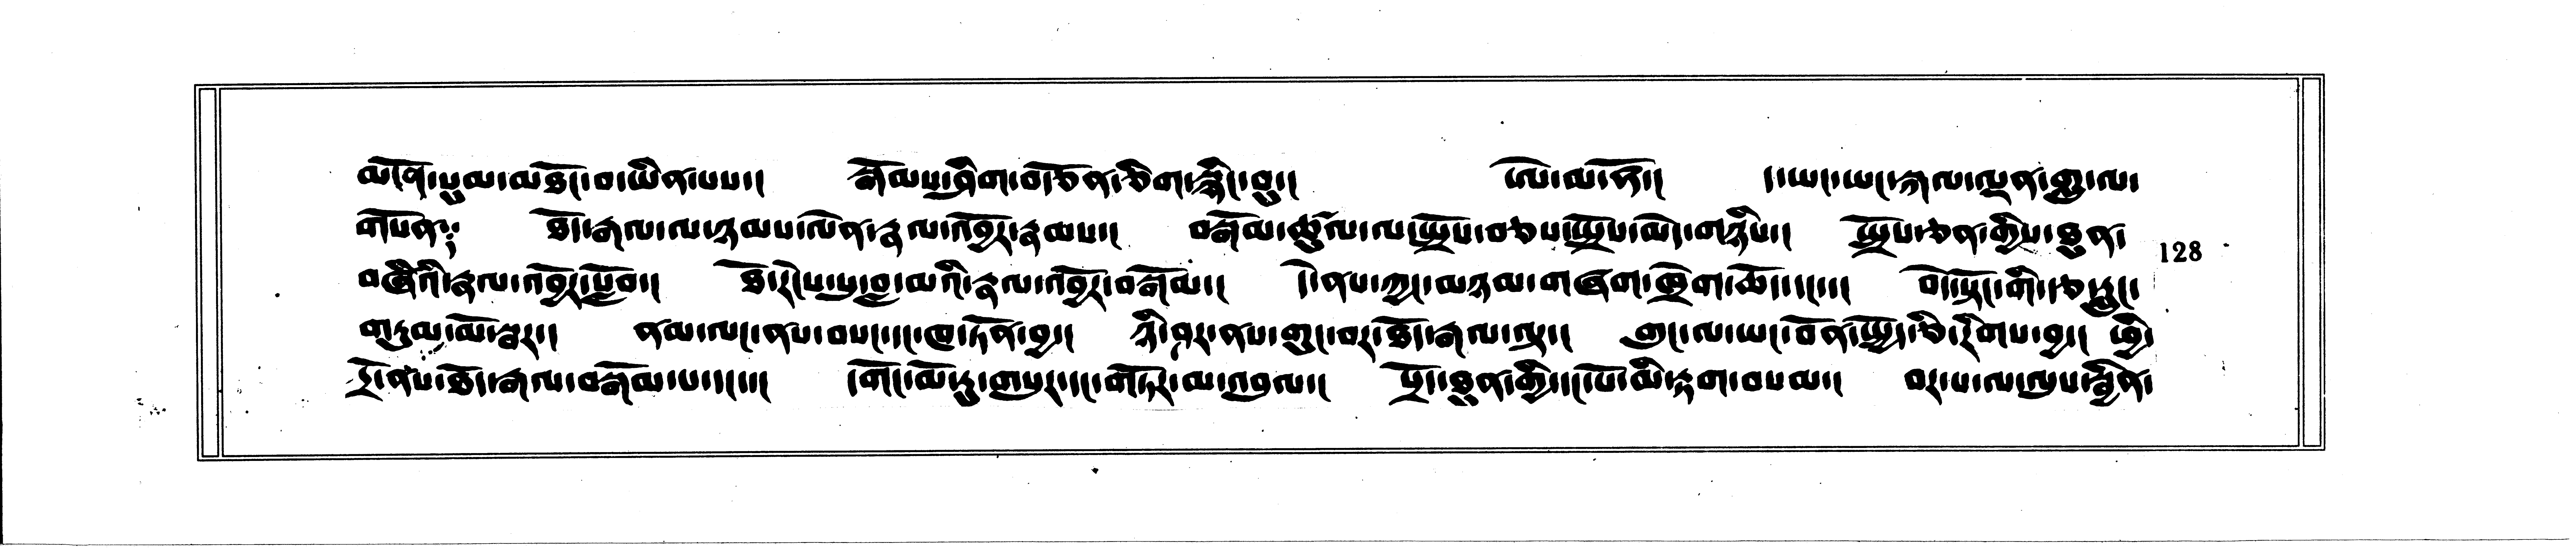མངོན་སུམ་མཐོང་བ་ཡིན་པས། །སྒོམས་ཤིག་བརྩོན་ཅིག་སྙིང་བུ། །ཨེ་མ་ཧོ། །ད་ཡང་ཡང་སྐལ་ལྡན་གླུ་ལ་
གསོན། །ཐོད་རྒལ་ལ་ཉམས་ལེན་རྣལ་འབྱོར་རྣམས། །བསྒོམ་ཚུལ་ལ་སྤྲོས་མེད་གཉིས། །སྤྲོས་ཅན་གྱིས་ཐུན་
བཞིའི་རྣལ་འབྱོར་སློབ། །ཐོ་རེངས་སུ་བླ་མའི་རྣལ་འབྱོར་བསྒོམ། །དེ་ནས་ཀྱང་མཉམ་གཞག་ཁྲེག་ཆོད་དང་། །བདེ་སྟོང་གི་རྩ་རླུང་
གཏུམ་མོ་སྦར། །ནམ་ལང་ནས་བསང་དང་ཁ་ཏོན་བྱ། །ཉི་ཤར་ནས་གུང་བར་ཐོད་རྒལ་ལྟ། །གུང་ལ་ཡང་བོན་སྤྱོད་ཅི་རིགས་བྱ། །ཕྱི་
དྲོ་ནས་ཐོད་རྒལ་བསྒོམ་པ་དང་། །དགོང་མོ་རུ་གསུར་དང་གཏོར་མ་འབུལ། །སྲོད་ཐུན་གྱི་དང་པོ་མི་རྟག་བསམ། །བར་པ་ལ་ལུས་སྦྱིན་